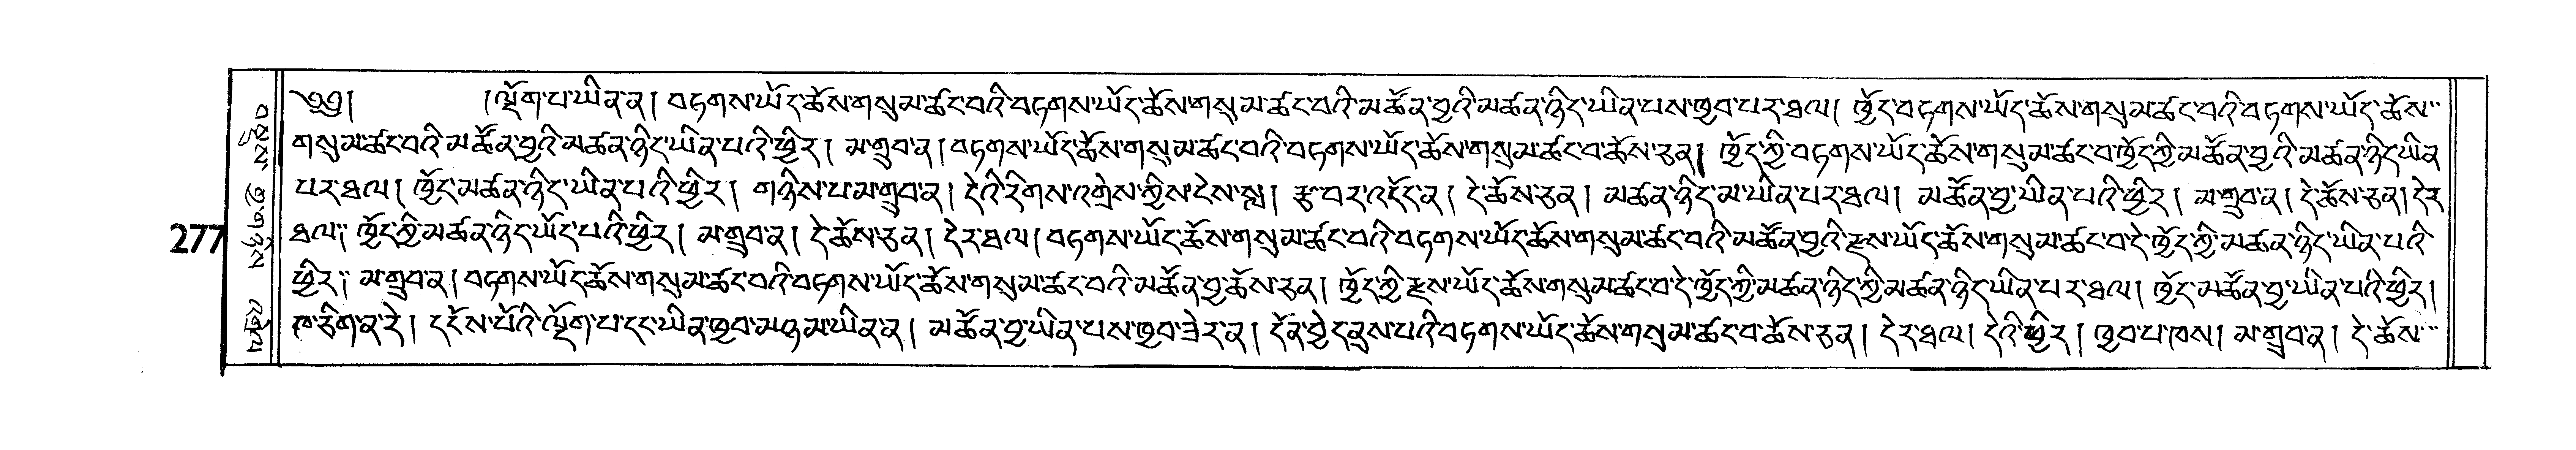༄༅། །ལྡོག་པ་ཡིན་ན། བཏགས་ཡོད་ཆོས་གསུམ་ཚང་བའི་བཏགས་ཡོད་ཆོས་གསུམ་ཚང་བའི་མཚོན་བྱའི་མཚན་ཉིད་ཡིན་པས་ཁྱབ་པར་ཐལ། ཁྱོད་བཏགས་ཡོད་ཆོས་གསུམ་ཚང་བའི་བཏགས་ཡོད་ཆོས་
གསུམ་ཚང་བའི་མཚོན་བྱའི་མཚན་ཉིད་ཡིན་པའི་ཕྱིར། མ་གྲུབ་ན། བཏགས་ཡོད་ཆོས་གསུམ་ཚང་བའི་བཏགས་ཡོད་ཆོས་གསུམ་ཚང་བ་ཆོས་ཅན། ཁྱོད་ཀྱི་བཏགས་ཡོད་ཆོས་གསུམ་ཚང་བ་ཁྱོད་ཀྱི་མཚོན་བྱའི་མཚན་ཉིད་ཡིན་
པར་ཐལ། ཁྱོད་མཚན་ཉིད་ཡིན་པའི་ཕྱིར། གཉིས་པ་མ་གྲུབ་ན། དེའི་རིགས་འགྲེས་ཀྱིས་ངེས་སླ། རྩ་བར་འདོད་ན། དེ་ཆོས་ཅན། མཚན་ཉིད་མ་ཡིན་པར་ཐལ། མཚོན་བྱ་ཡིན་པའི་ཕྱིར། མ་གྲུབ་ན། དེ་ཆོས་ཅན། དེར་
ཐལ༑ ཁྱོད་ཀྱི་མཚན་ཉིད་ཡོད་པའི་ཕྱིར། མ་གྲུབ་ན། དེ་ཆོས་ཅན། དེར་ཐལ། བཏགས་ཡོད་ཆོས་གསུམ་ཚང་བའི་བཏགས་ཡོད་ཆོས་གསུམ་ཚང་བའི་མཚོན་བྱའི་རྫས་ཡོད་ཆོས་གསུམ་ཚང་བ་དེ་ཁྱོད་ཀྱི་མཚན་ཉིད་ཡིན་པའི་
ཕྱིར༑ མ་གྲུབ་ན། བཏགས་ཡོད་ཆོས་གསུམ་ཚང་བའི་བཏགས་ཡོད་ཆོས་གསུམ་ཚང་བའི་མཚོན་བྱ་ཆོས་ཅན། ཁྱོད་ཀྱི་རྫས་ཡོད་ཆོས་གསུམ་ཚང་བ་དེ་ཁྱོད་ཀྱི་མཚན་ཉིད་ཀྱི་མཚན་ཉིད་ཡིན་པར་ཐལ། ཁྱོད་མཚོན་བྱ་ཡིན་པའི་ཕྱིར།
ཁ་ཅིག་ན་རེ། དངོས་པོའི་ལྡོག་པ་དང་ཡིན་ཁྱབ་མཉམ་ཡིན་ན། མཚོན་བྱ་ཡིན་པས་ཁྱབ་ཟེར་ན། དོན་བྱེད་ནུས་པའི་བཏགས་ཡོད་ཆོས་གསུམ་ཚང་བ་ཆོས་ཅན། དེར་ཐལ། དེའི་ཕྱིར། ཁྱབ་པ་ཁས། མ་གྲུབ་ན། དེ་ཆོས་